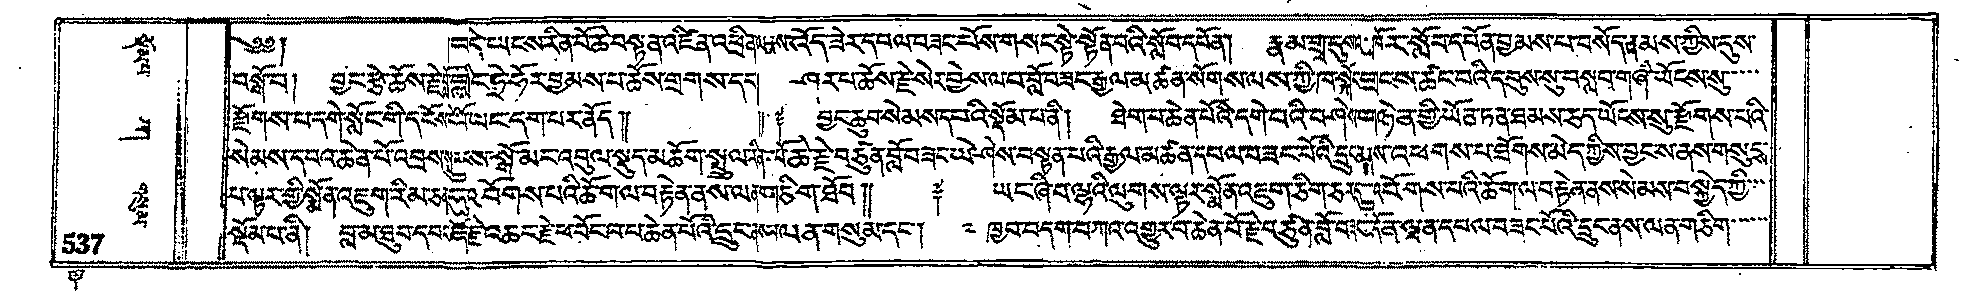༄༅། །བདེ་ཡངས་རིན་པོ་ཆེ་བསྟན་འཛིན་འཕྲིན་ལས་འོད་ཟེར་དཔལ་བཟང་པོས་གསང་སྟེ་སྟོན་བའི་སློབ་དཔོན། རྣམ་གྲྭ་དུས་འཁོར་སློབ་དཔོན་བྱམས་པ་བསོད་ནམས་ཀྱིས་དུས་
བསྒོ་བ། བྱང་རྩེ་ཆོས་རྗེ་བློ་གླིང་ཏྲེ་ཧོར་བྱམས་པ་ཆོས་གྲགས་དང་། ཤར་པ་ཆོས་རྗེ་སེར་བྱེས་ལ་བ་བློ་བཟང་རྒྱལ་མཚན་སོགས་ལས་ཀྱི་ཁ་སྐོང་གྲངས་ཚང་བའི་དབུས་སུ་བསླབ་གཞི་ཡོངས་སུ་
རྫོགས་པ་དགེ་སློང་གི་དངོས་པོ་ཡང་དག་པར་ནོད།། །།འ་བྱང་ཆུབ་སེམས་དཔའི་སྡོམ་པ་ནི། ཐེག་པ་ཆེན་པོའི་དགེ་བའི་བཤེས་གཉེན་གྱི་ཡོན་ཏན་ཐམས་ཅད་ཡོངས་སུ་རྫོགས་པའི་
སེམས་དཔའ་ཆེན་པོ་འབྲས་སྤུངས་སྒོ་མང་འབུལ་སྡུད་མཆོག་སྤྲུལ་རིན་པོ་ཆེ་རྗེ་བཙུན་བློ་བང་ཡེ་ཤེས་བསྟན་པའི་རྒྱལ་མཚན་དཔལ་བཟང་པོའི་དྲུང་ནས་འཕགས་པ་ཐོགས་མེད་ཀྱིས་བྱང་ས་ནས་གསུངས་
པ་ལྟར་གྱི་སྨོན་འཇུག་རིམ་ཅན་དུ་འབོགས་པའི་ཆོ་ག་ལ་བརྟེན་ནས་ལན་གཅིག་ཐོབ།། འ་ཡང་ཞི་བ་ལྷའི་ལུགས་ལྟར་སྨོན་འཇུག་ཅིག་ཅར་དུ་འབོགས་པའི་ཆོ་ག་ལ་བརྟེན་ནས་སེམས་བསྐྱེད་ཀྱི་
སྡོམ་པ་ནི། བླ་མ་ཐུབ་དབང་རྡོ་རྗེ་འཆང་རྗེ་ཕ་བོང་ཁ་པ་ཆེན་པོའི་དྲུང་ནས་ལན་གསུམ་དང་། ༧ཁྱབ་བདག་བཀའ་འགྱུར་བ་ཆེན་པོ་རྗེ་བཙུན་བློ་བཟང་དོན་ལྡན་དཔལ་བཟང་པོའི་དྲུང་ནས་ལན་གཅིག་